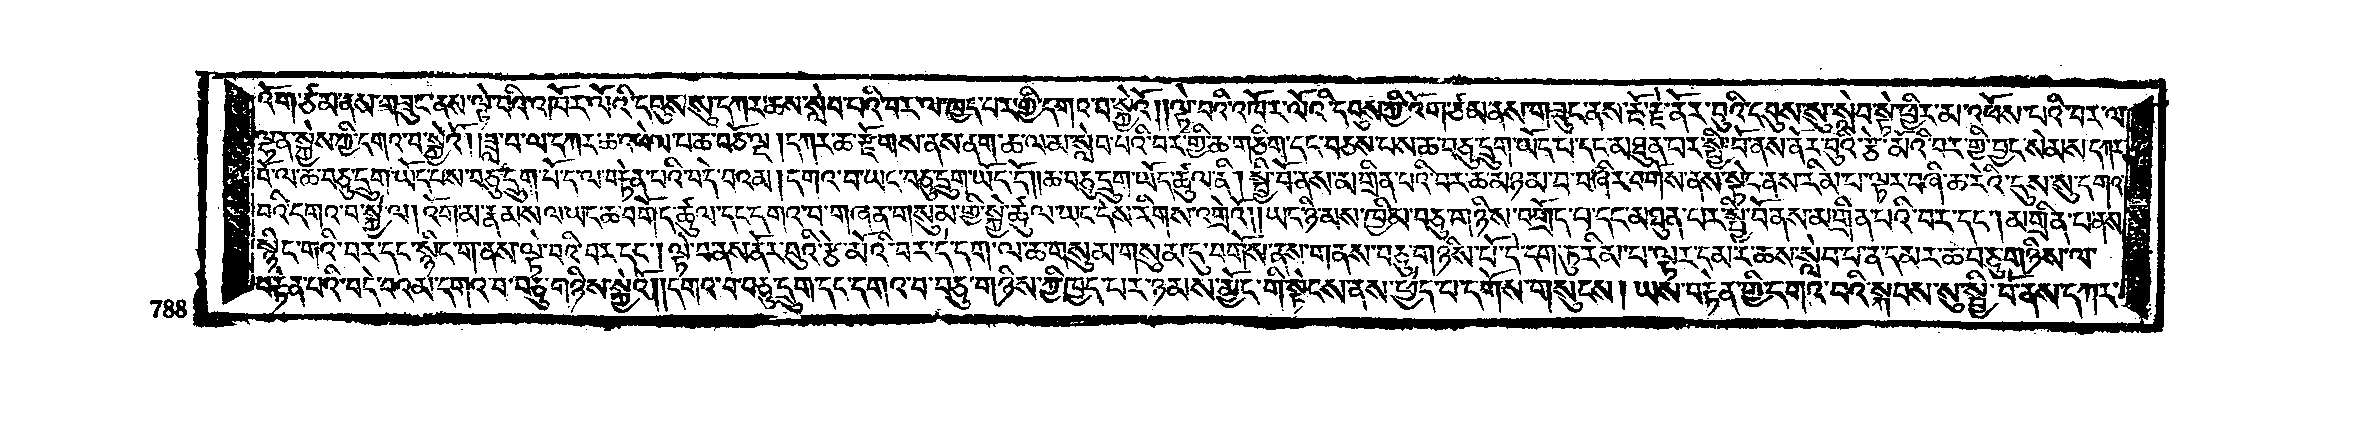འོག་ཙམ་ནས་གཟུང་ནས་ལྟེ་བའི་འཁོར་ལོའི་དབུས་སུ་དཀར་ཆས་སླེབ་པའི་བར་ལ་ཁྱད་པར་གྱི་དགའ་བ་སྐྱེའོ། །ལྟེ་བའི་འཁོར་ལོའི་དབུས་ཀྱི་འོག་ཙམ་ནས་གཟུང་ནས་རྡོ་རྗེ་ནོར་བུའི་དབུས་སུ་སླེབ་སྟེ་ཕྱིར་མ་འཕོས་པའི་བར་ལ་
ལྷན་སྐྱེས་ཀྱི་དགའ་བ་སྐྱེའོ། །ཟླ་བ་ལ་དཀར་ཆ་འཕེལ་བ་ཆ་བཅོ་ལྔ། དཀར་ཆ་རྫོགས་ནས་ནག་ཆ་ལ་མ་སླེབ་པའི་བར་གྱི་ཆ་གཅིག་དང་བཅས་པས་ཆ་བཅུ་དྲུག་ཡོད་པ་དང་མཐུན་པར་སྤྱི་བོ་ནས་ནོར་བུའི་རྩེ་མོའི་བར་གྱི་བྱང་སེམས་དཀར་
པོ་ལ་ཆ་བཅུ་དྲུག་ཡོད་པས་བཅུ་དྲུག་པོ་ད་ལ་བརྟེན་པའི་བདེ་བའམ། དགའ་བ་ཡང་བཅུ་དྲུག་ཡོད་དོ། །ཆ་བཅུ་དྲུག་ཡོད་ཚུལ་ནི། སྤྱི་བོ་ནས་མགྲིན་པའི་བར་ཆ་མཉམ་པ་བཞིར་བགོས་ནས་སྟེང་ནས་རིམ་པ་ལྟར་བཞིན་ཆ་རེའི་དུས་སུ་དགའ་
བའི་དགའ་བ་སྐྱེ་ལ། འོག་མ་རྣམས་ལ་ཡང་ཆ་བགོད་ཚུལ་དང་དགའ་བ་གཞན་གསུམ་གྱི་སྐྱེ་ཚུལ་ཡང་དེས་རིགས་འགྲེའོ། །ཡང་ཉི་མས་ཁྱིམ་བཅུ་གཉིས་བགྲོད་པ་དང་མཐུན་པར་སྤྱི་བོ་ནས་མགྲིན་པའི་བར་དང་། མགྲིན་པ་ནས་
སྙིང་གའི་བར་དང་སྙིང་ག་ནས་ལྟེ་བའི་བར་དང་། ལྟེ་བ་ནས་ནོར་བུའི་རྩེ་མོའི་བར་དེ་དག་ལ་ཆ་གསུམ་གསུམ་དུ་བགོས་ནས་གནས་བཅུ་གཉིས་པོ་དེ་དག་ཏུ་རིམ་པ་ལྟར་དམར་ཆས་སླེབ་པ་ན་དམར་ཆ་བཅུ་གཉིས་ལ་
བརྟེན་པའི་བདེ་བའམ་དགའ་བ་བཅུ་གཉིས་སྐྱེའོ། །དགའ་བ་བཅུ་དྲུག་དང་དགའ་བ་བཅུ་གཉིས་ཀྱི་ཁྱད་པར་ཉམས་མྱོང་གི་སྟེངས་ནས་ཕྱེད་པ་དགོས་གསུངས། ཡས་བརྟེན་གྱི་དགའ་བའི་སྐབས་སུ་སྤྱི་བོ་ནས་དཀར་